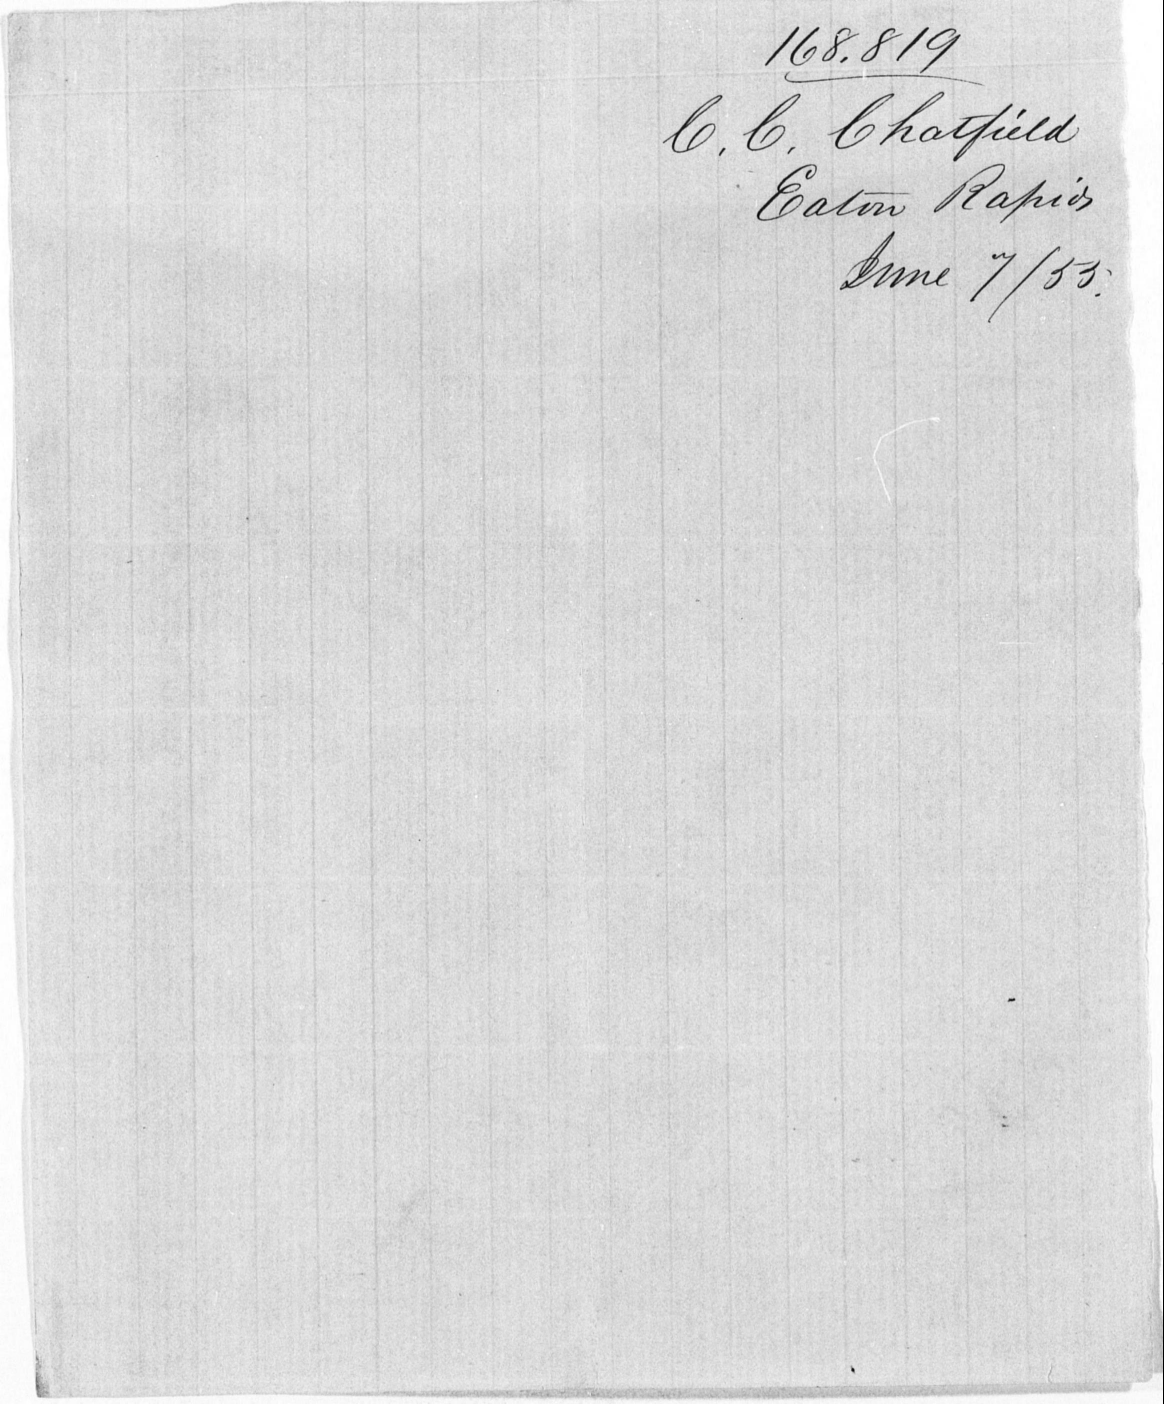168.819
C.C. Chatfield
Eaton Rapids
June 7/53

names: C C Chatfield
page: 5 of 9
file: B.L.Reg 168819-1855, Jacob Annis, [BLANK]